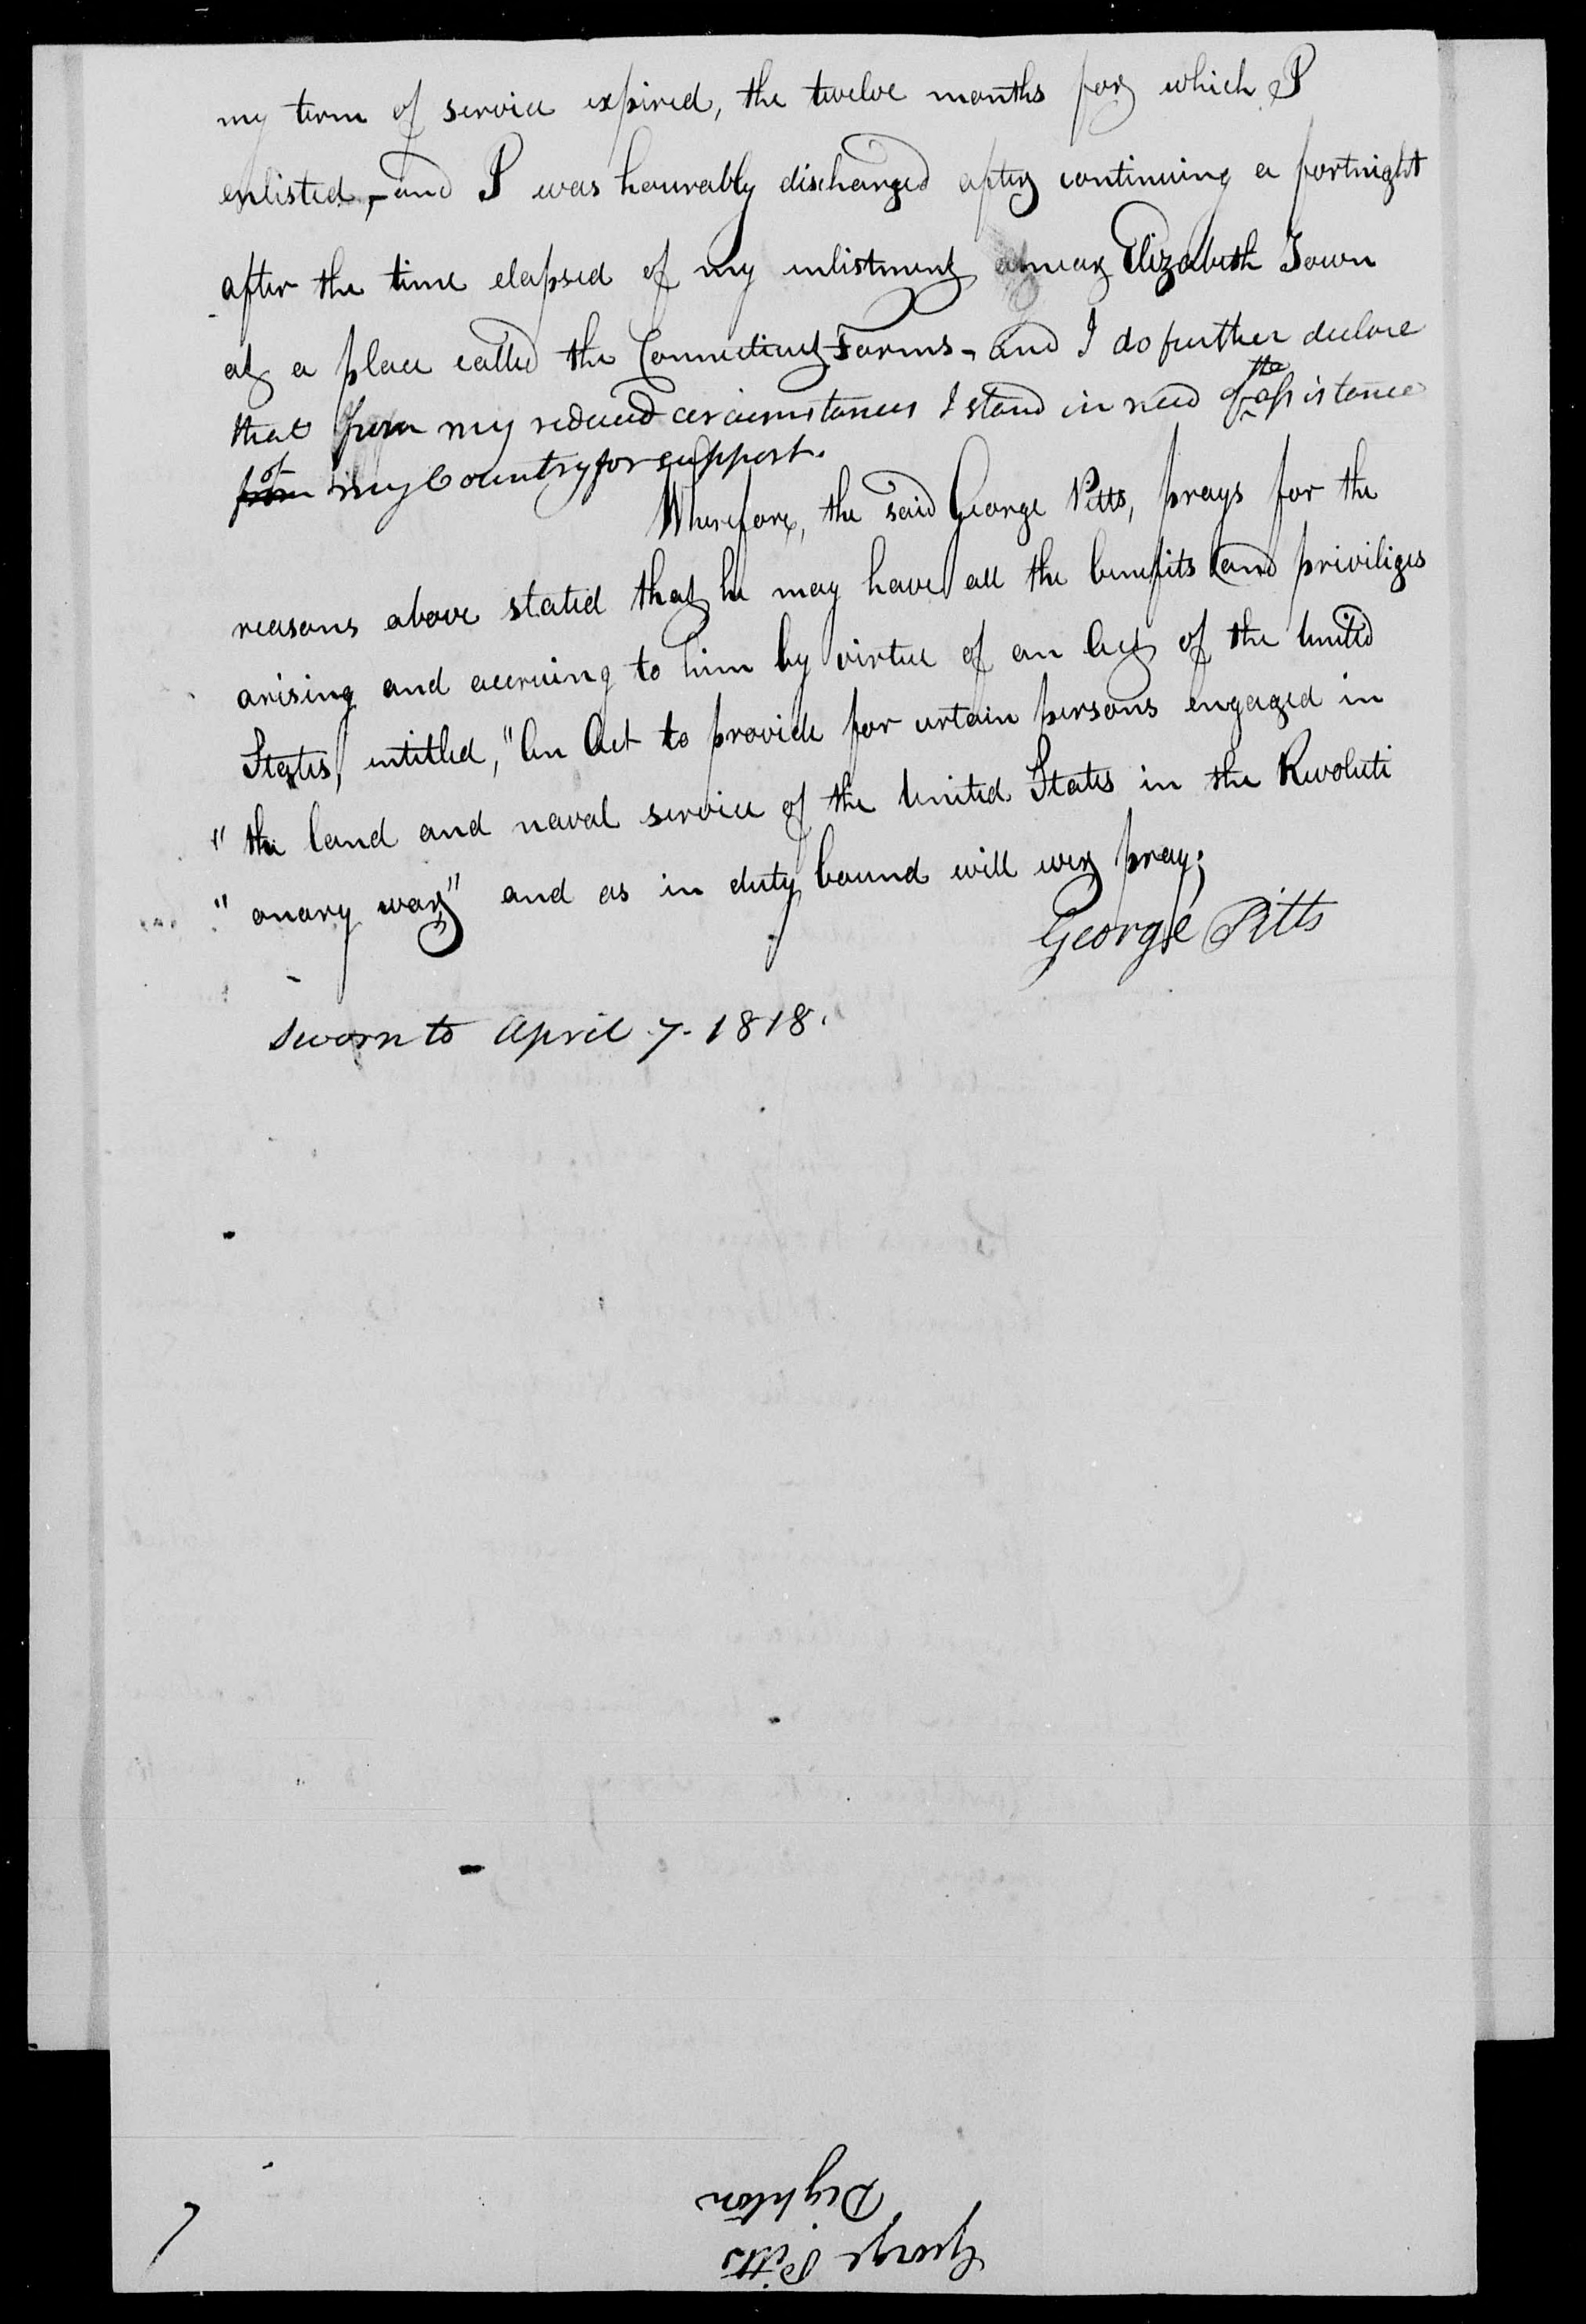my term of service expired, the twelve months for which I
enlisted, and I was honourably discharged after continuing a fortnight
after the time elapsed of my enlistment near Elizabeth Town
at a place called the Connecticut Farms-- and I do further declare
that from my reduced circumstances I stand in need of assistance
of my Country for support.
          Wherefore the said George Pitts, prays for the
reasons above stated that he may have all the benefits and privileges
arising and accruing to him by virtue of an Act of the United
States entitled, "An Act to provide for certain persons engaged in
the land and naval service of the United States in the Revolutionary
 war" and as in duty bound will ever pray;

George Pitts

Sworn to April 7 1818.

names: George Pitts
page: 5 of 54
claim: widow's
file: W. 26,897, for George Pitts, Massachusetts